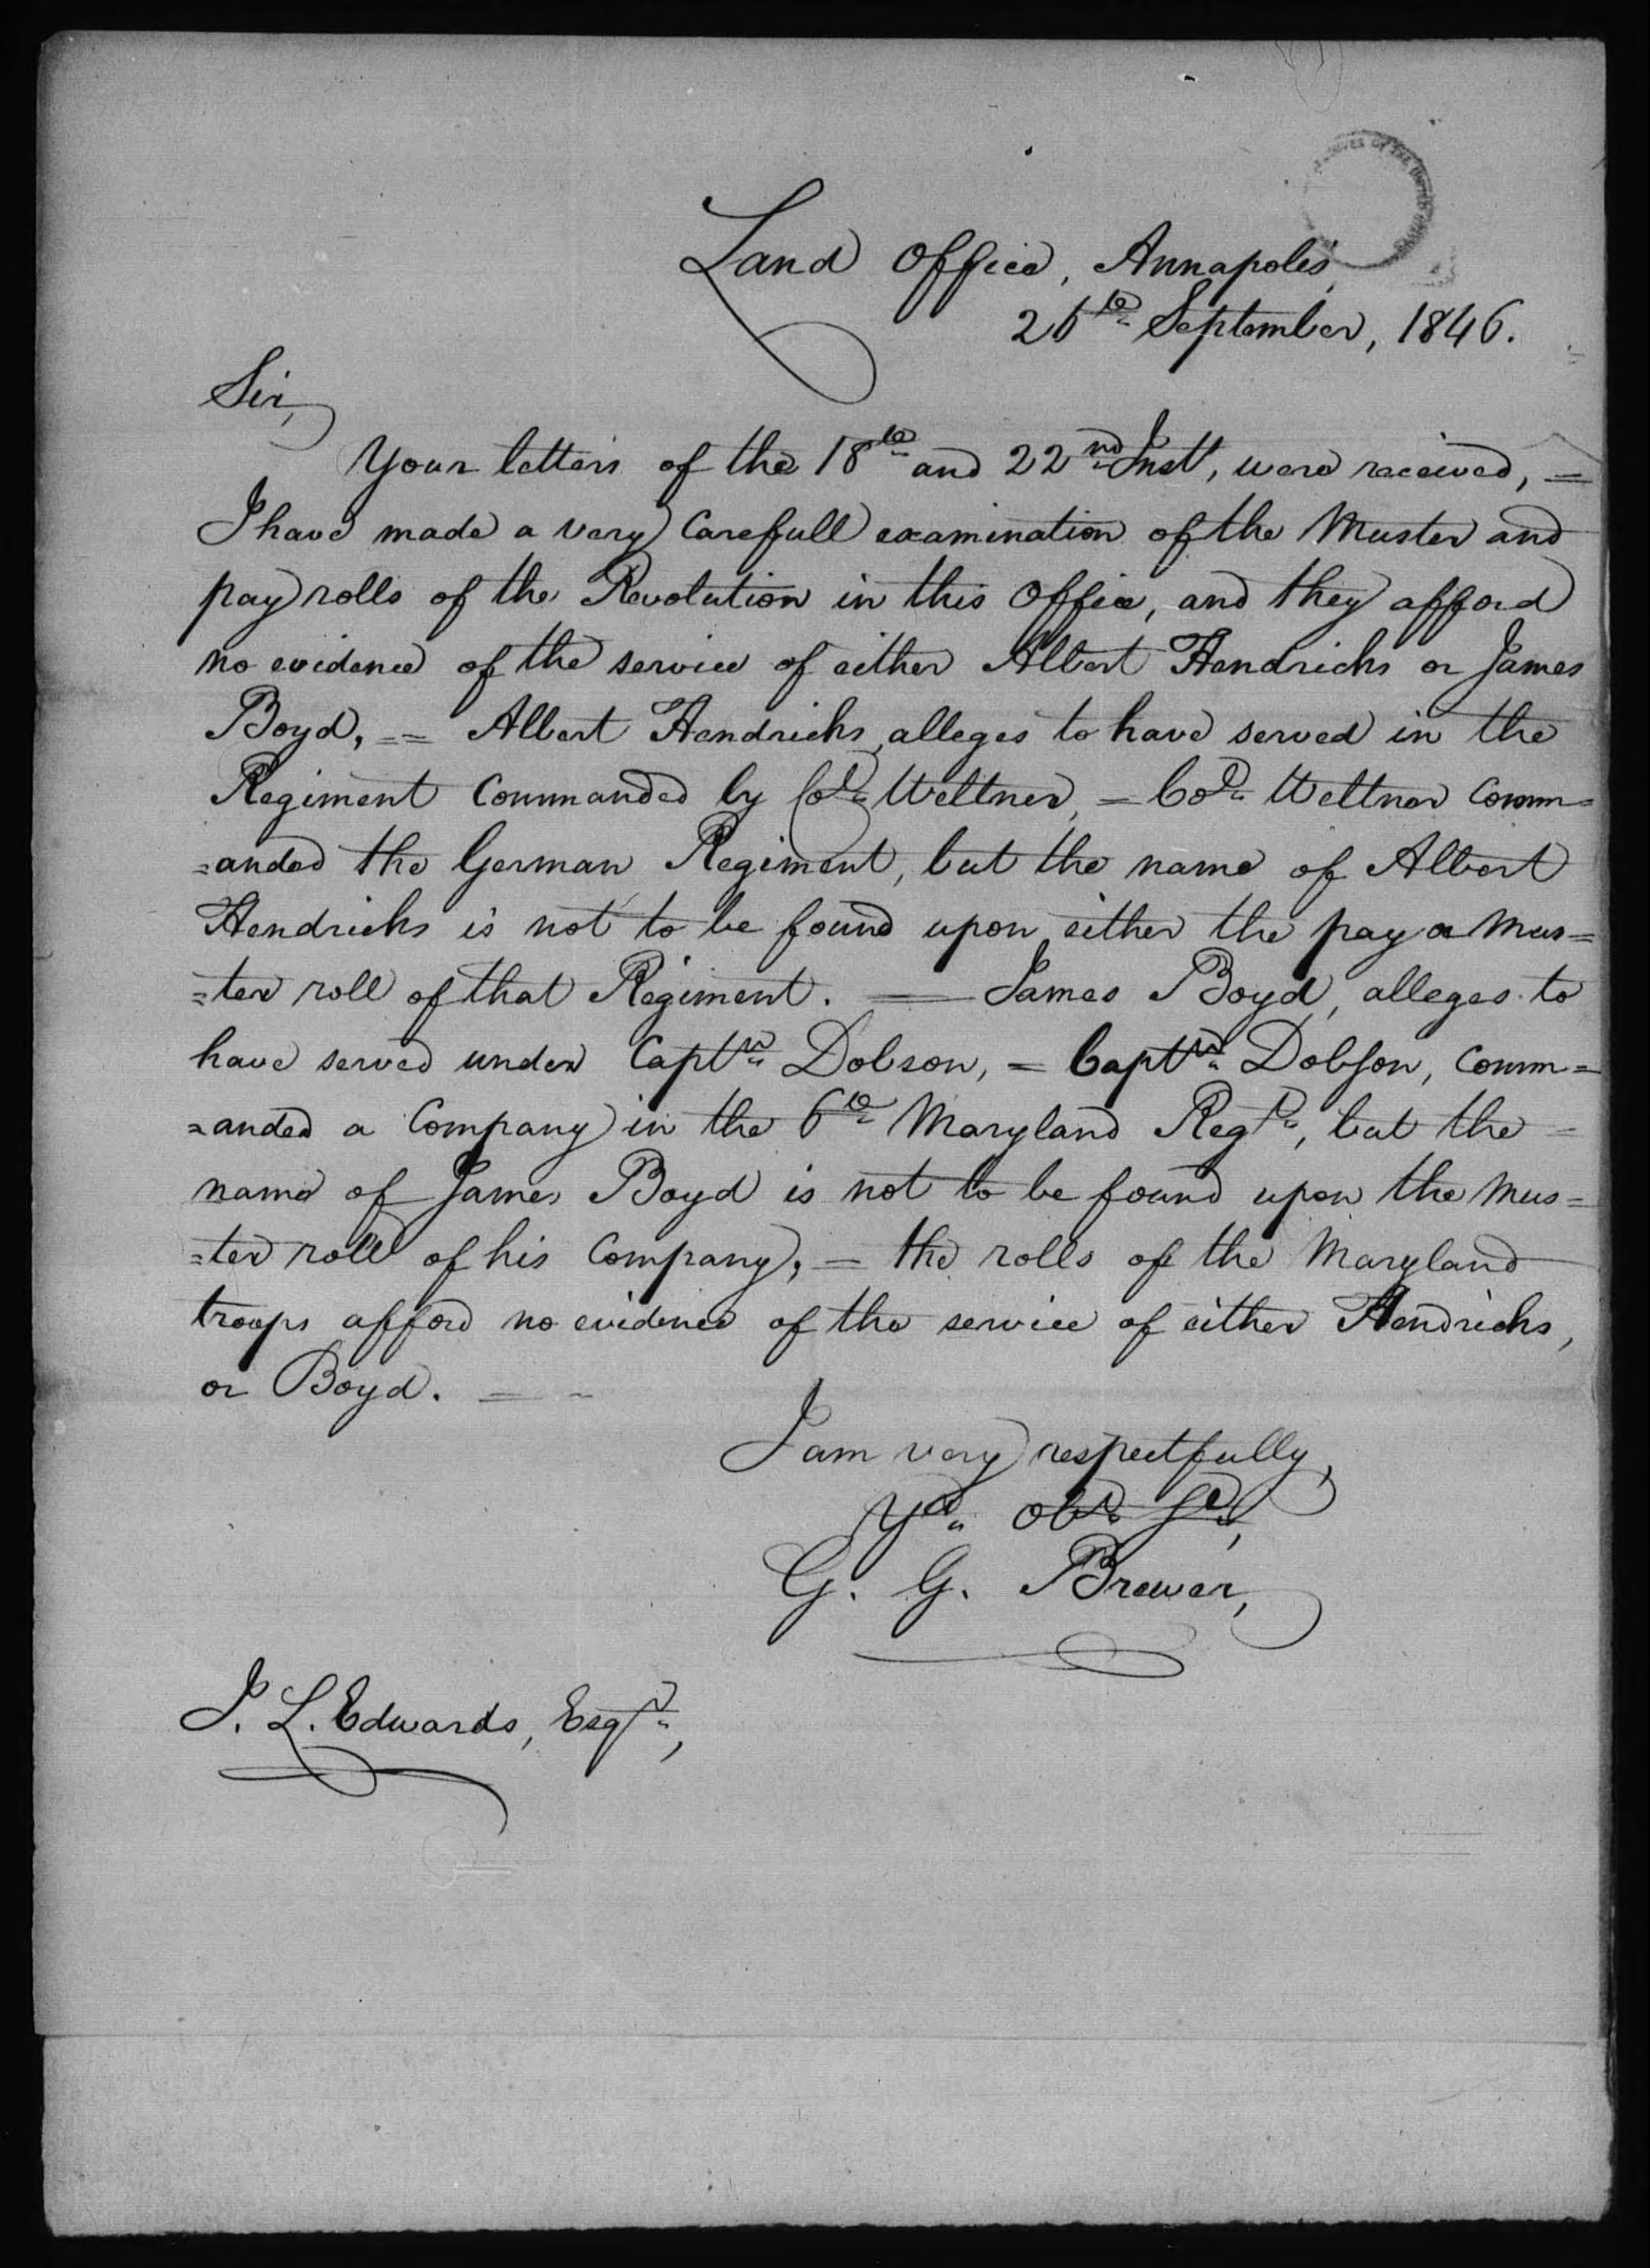Land Office, Annapolis
26h September, 1846.

Sir,
  Your letters of the 18th and 22nd Inst. were received.  I have made a very carefull examination of the Muster and pay rolls of the Revolution in this Office, and they afford no evidence of the service of either Albert Hendricks or James Boyd.  Albert Hendricks alleges to have served in the Regiment commanded by Col. Weltner.  Col. Weltner commanded the German Regiment, but the name of Albert Hendricks is not to be found upon either the pay or muster roll of that Regiment.  James Boyd, alleges to have served under Captn. Dobson.  Captn. Dobson, commanded a Company in the 6th Maryland Regt., but the name of James Boyd is not to be found upon the muster roll of his company.  The rolls of the Maryland troops afford no evidence of the service of either Hendricks or Boyd.
   I am very respectfully,
   Yr. Obt. Sevt
   G. G. Brewer

J. L. Edwards, Esqr.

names: J L Edwards, Weltner, Dobson, Albert Hendricks, Albert Hendricks, Hendricks, James Boyd, Dobson, G G Brewer, James Boyd, Albert Hendricks, Weltner, Boyd, James Boyd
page: 39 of 76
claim: widow's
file: W. 83, Albert Hendricks, Continental Md. N.C.